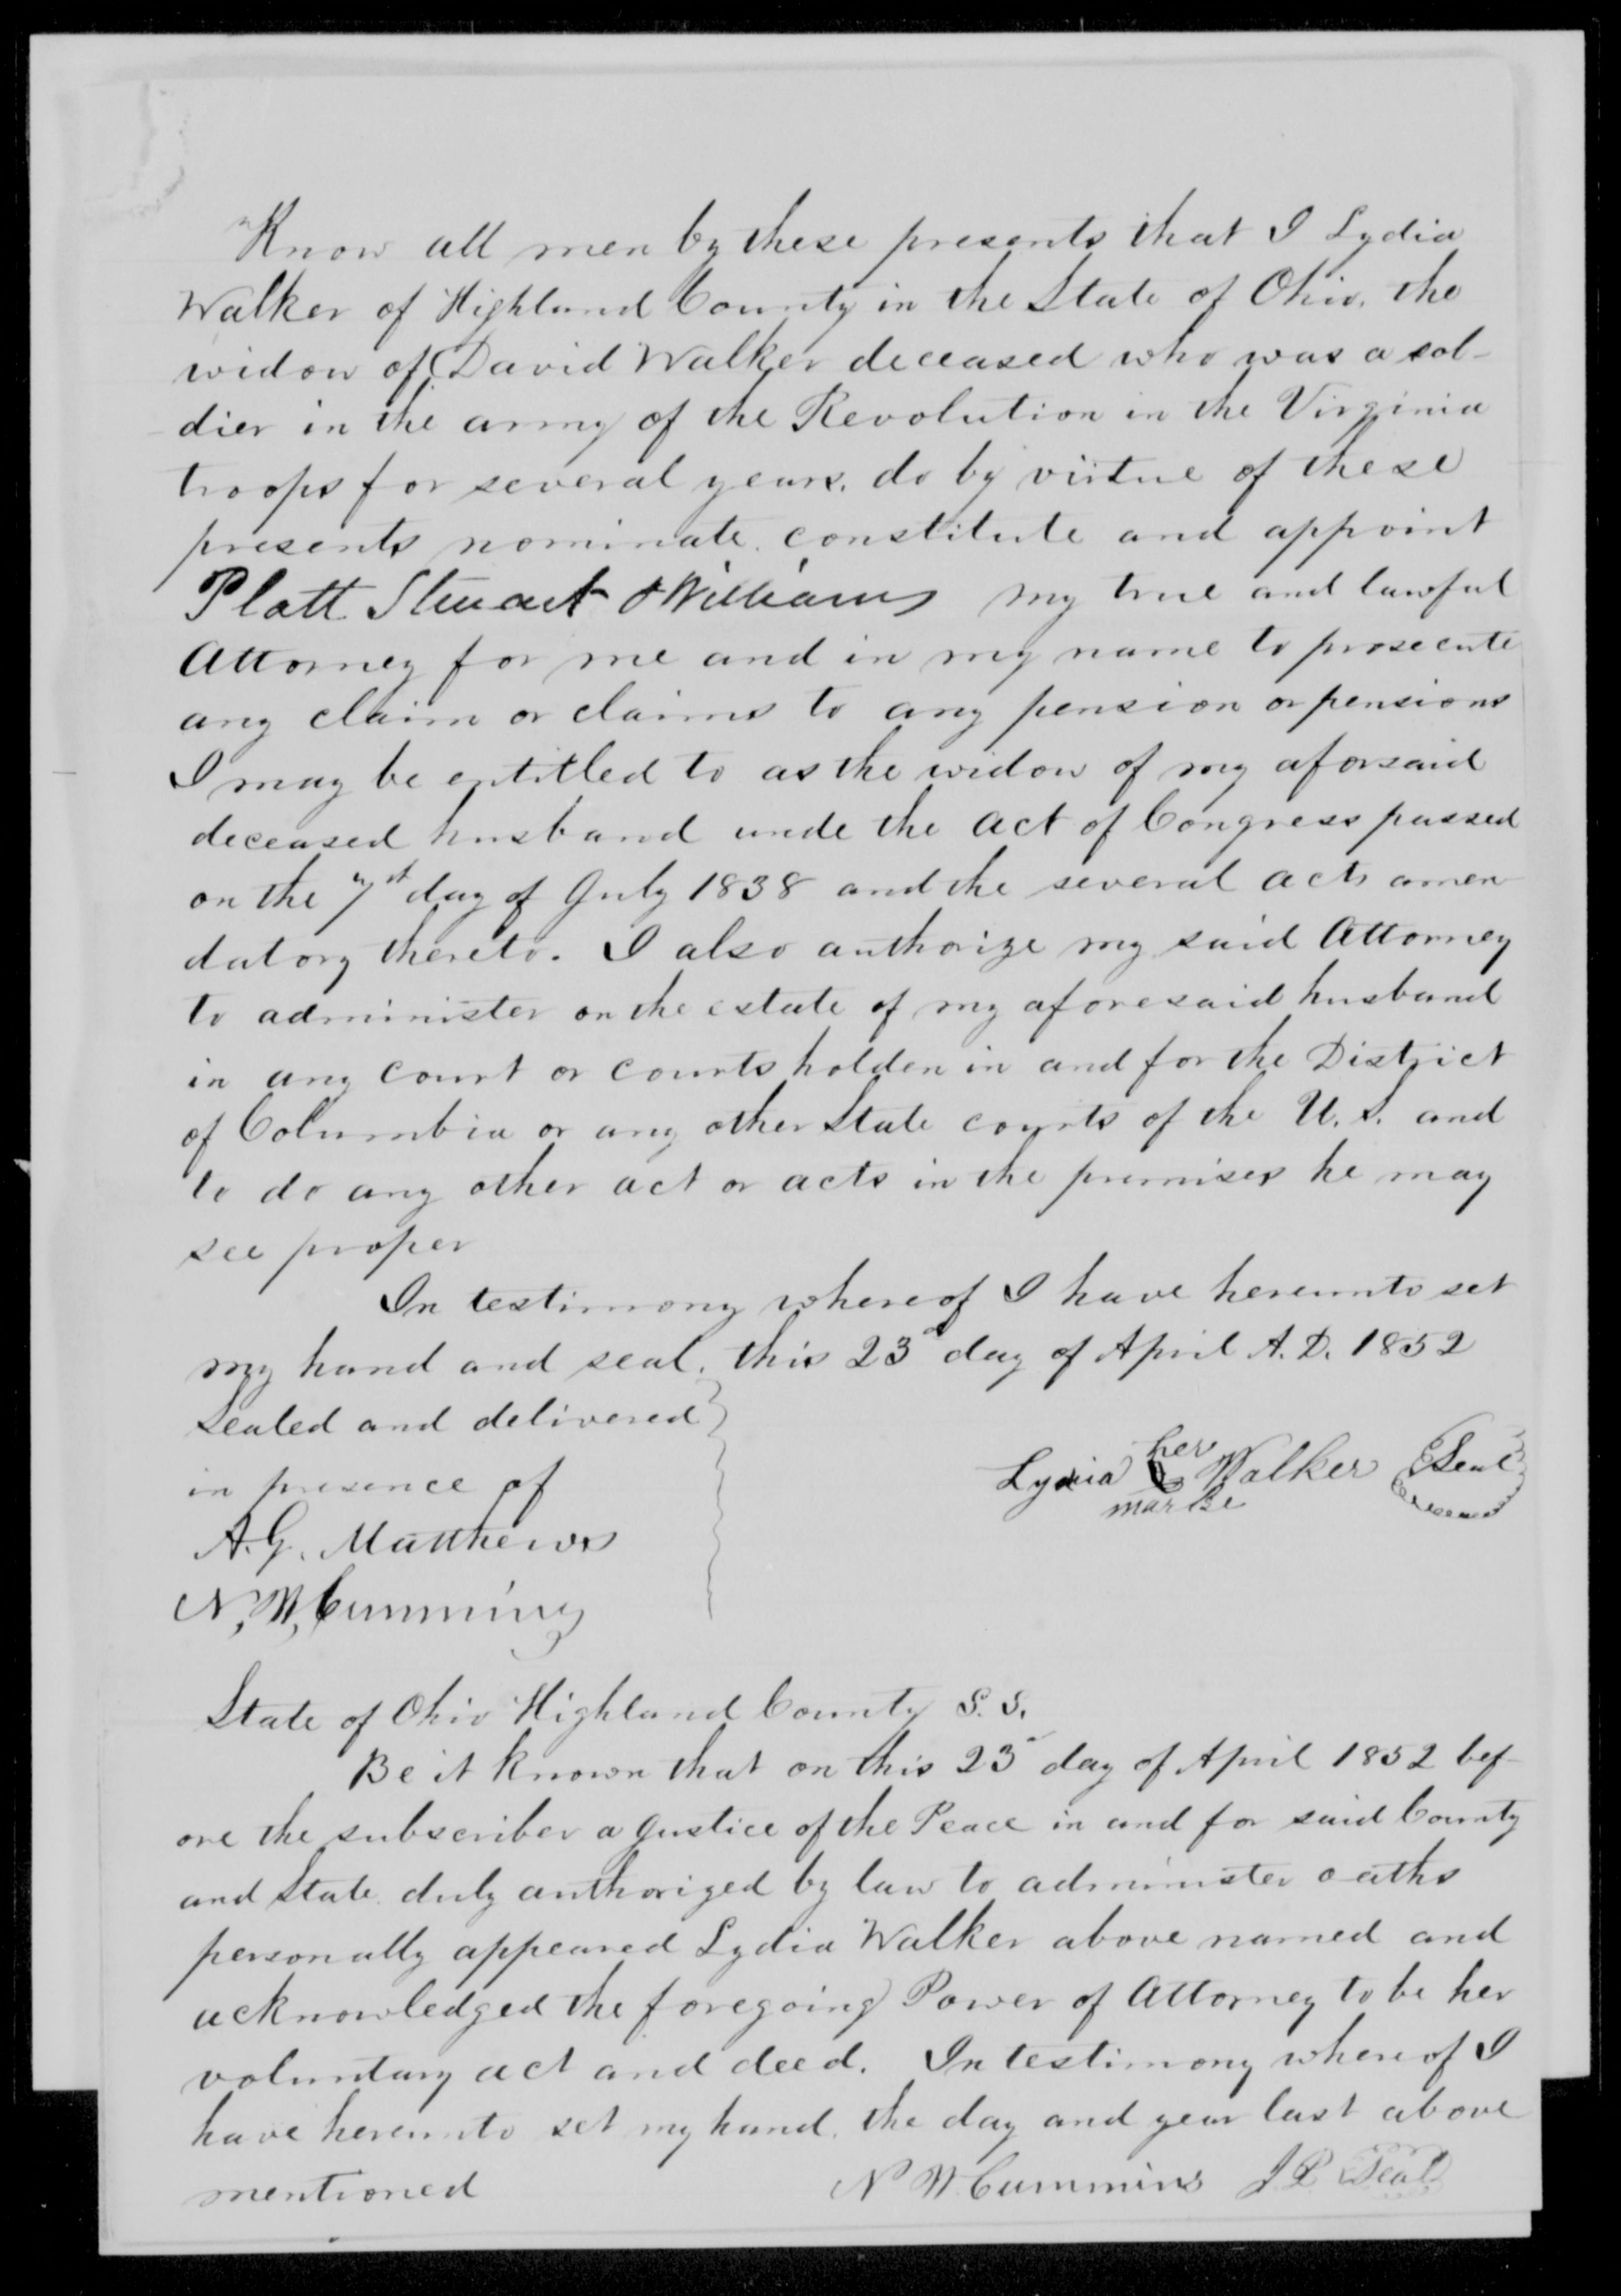Know all men by these presents that I, Lydia Walker, of Highland County in the State of Ohio, the widow of David Walker deceased who was a soldier in the army of the Revolution in the Virginia troops for several years do by virtue of these presents nominate constitute and appoint Platt Stewart & Williams my true and lawful Attorney for me and in my name to prosecute any claim or claims to any pension or pensions I may be entitled to as the widow of my aforesaid deceased husband under the act of Congress passed on the 7th day of July 1838 and the several acts amendatory thereto. I also authorize my said Attorney to administer on the estate of my aforesaid husband in any court or Court here in and for the District of Columbia or any other State courts of the U.S. and to do any other act or acts in the premises he may see proper.
Lydia Walker 
In testimony whereof I have hereunto set my hand and seal this 23d day of April A.D. 1852.
Sealed and delivered in presence of A. G. Matthews
N. W. Cummins, Justice of the Peace

State of Ohio
Highland County 
Be it known that on this 23 day of April 1852 before the subscriber a Justice of the Peace in and for said County and State duly authorized by law to administer oaths personally appeared Lydia Walker above named and acknowledged the foregoing Power of Attorney to be her voluntary act and deed. In testimony whereof I have hereunto set my hand the day and year last above mentioned.
N. W. Cummins, Justice of the Peace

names: Williams, Lydia Walker, Lydia Walker, David Walker, N W Cummins, A G Matthews, N W Cummins, Lydia Walker, Platt Steuart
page: 17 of 37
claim: rejected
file: R. 11047, David Walker, N.C.